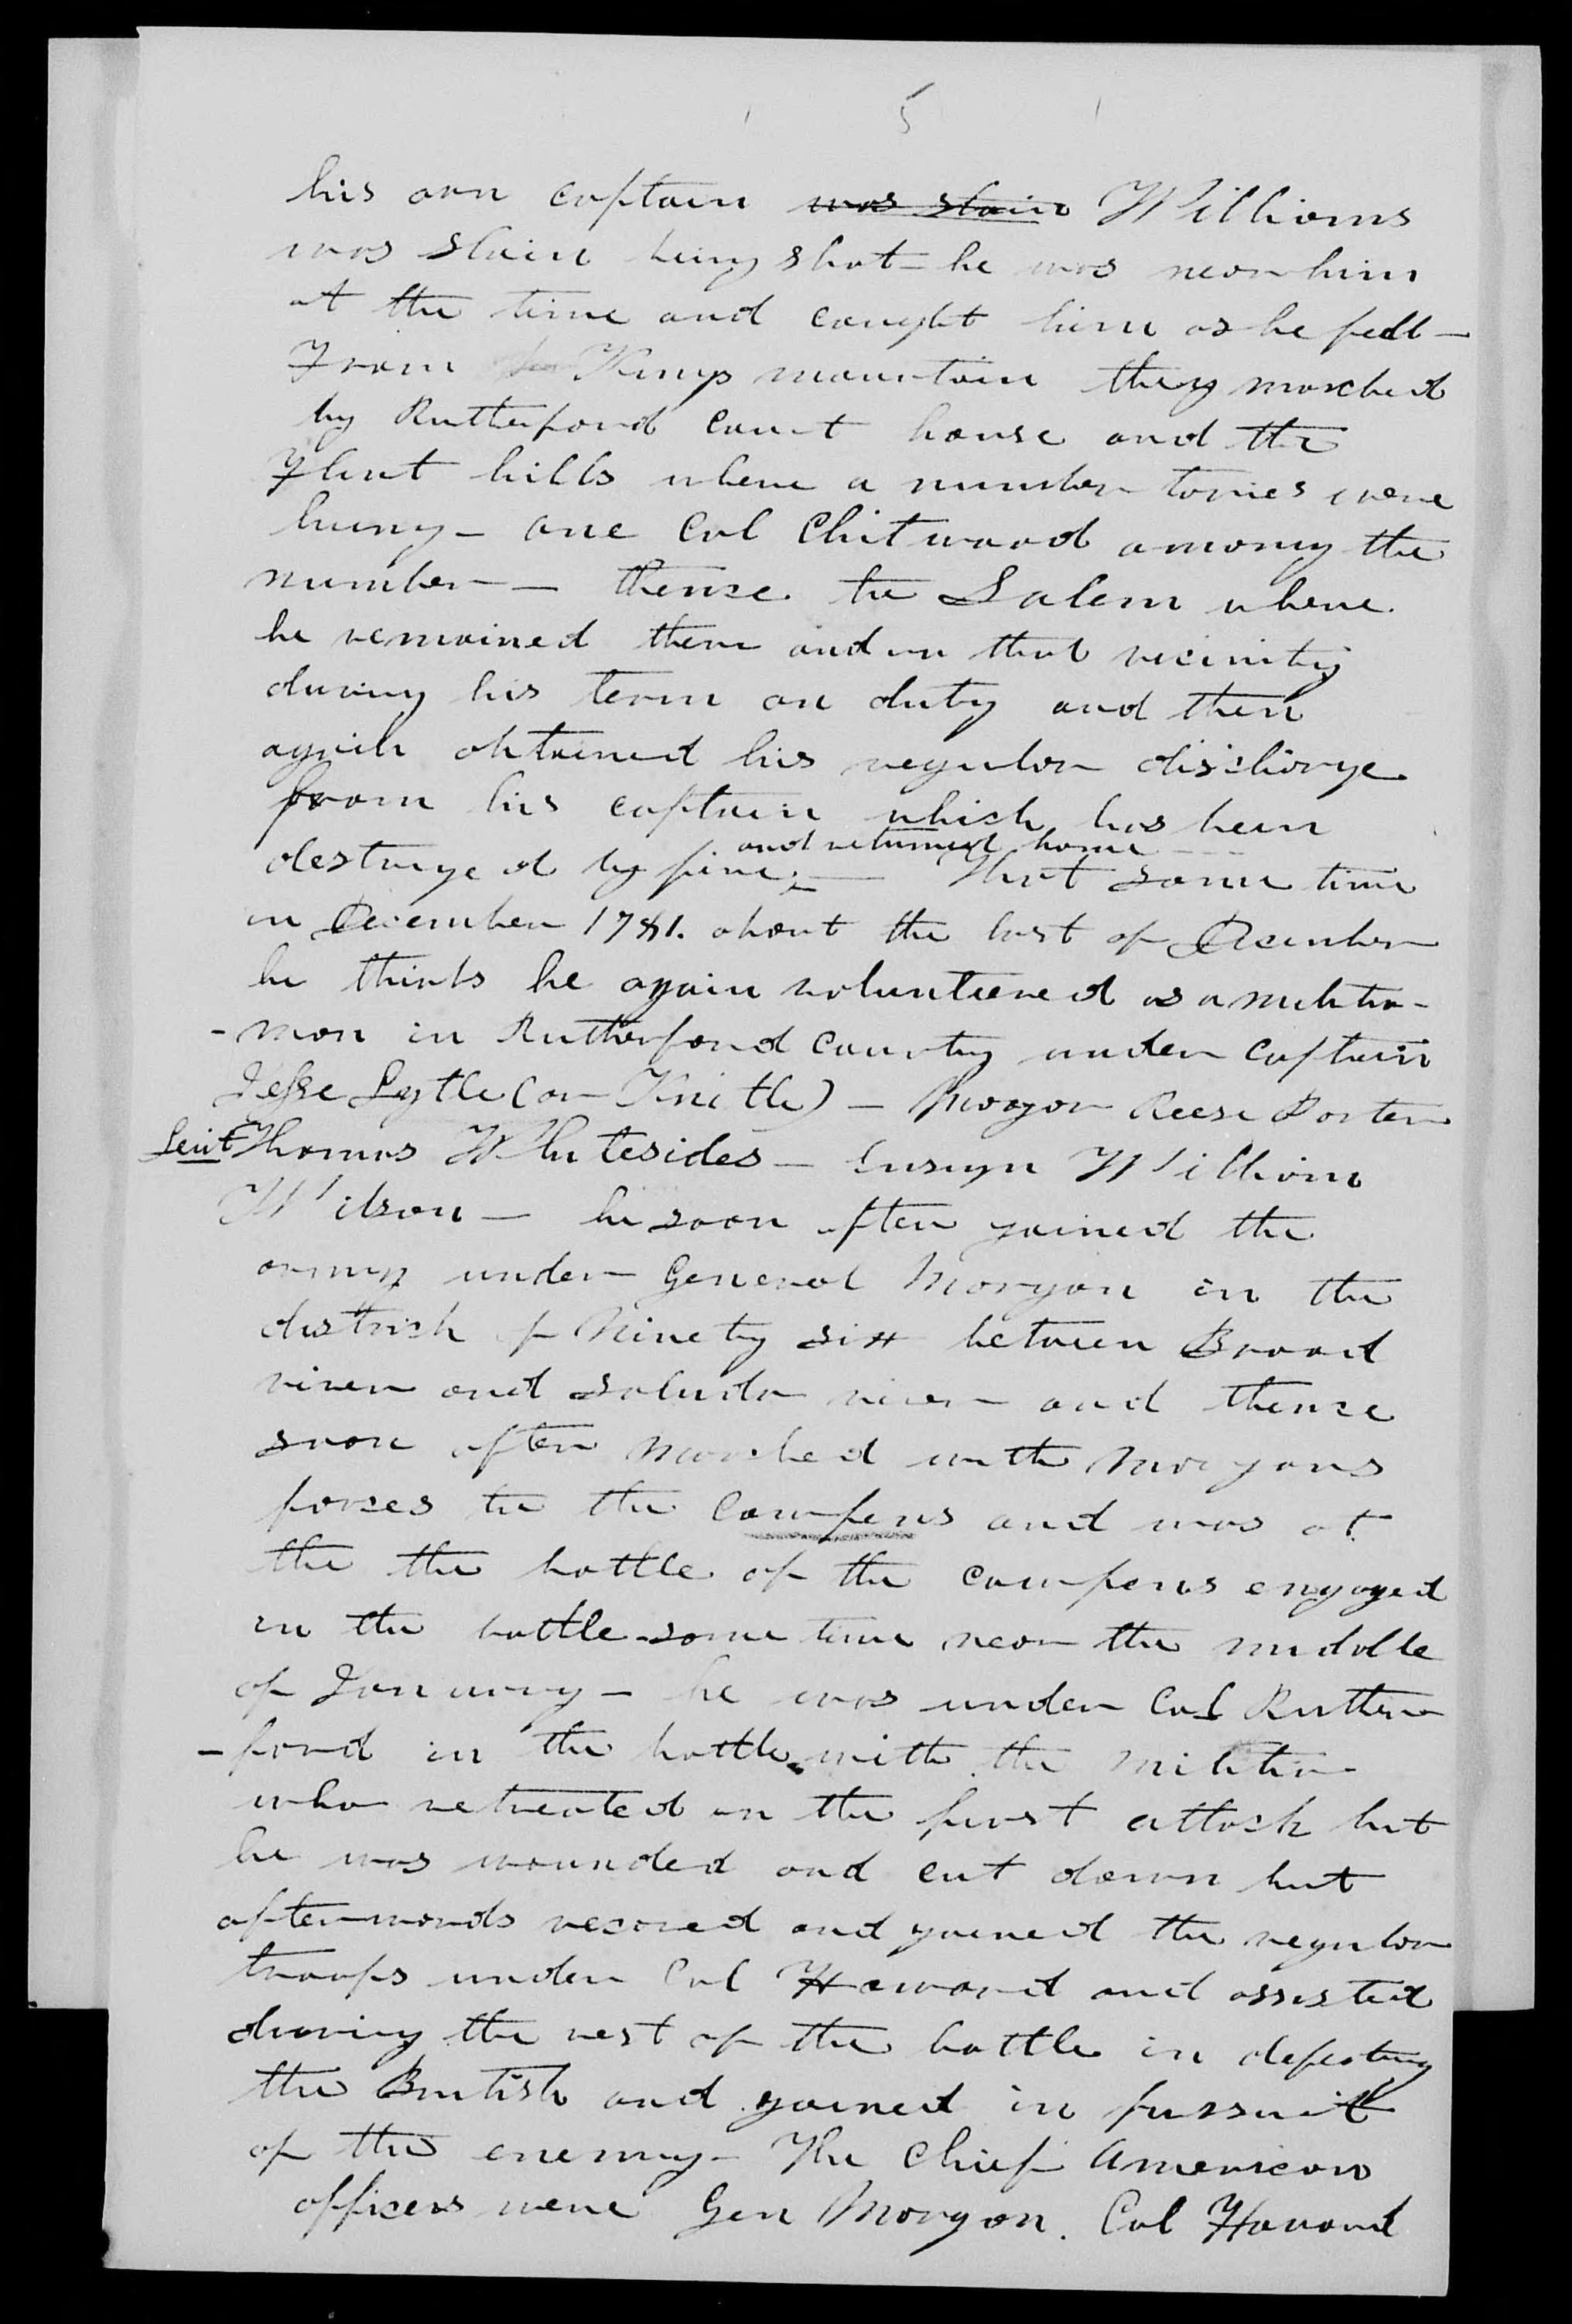his own captain was slain Williams was slain being shot-- he was near him at the time and caught him as he fell. From Kings mountain they marched by Rutherford Court house and the [illegible blint] hills where a number tories were hung, one Col Chitwood among the number - thence the Salem where he remained there and in that vicinity during his term on duty and then again obtained his regular discharge from his captain which, has been destroyed by fire, and returned home - That same time in December 1781. about the last of December he thinks he again volunteered as a militia man in Rutherford County under Captain Jesse Lytle [illegible Co Knith)] – [illegible Kenyon] Reese Porter Leiut  Thomas Whitesides- ensign William Wilson - he soon after joined the army under General Morgan in the district of Ninety six between Broad river and [illegible salute] river and thence soon after marched with Morgans forces to the Cowpens and was at the the battle of the Cowpens engaged in the battle some time near the middle of January - he was under Col Rutherford in the battle with the militia who retreated on the first attack but he was wounded and cut down but afterwards recovered and joined the regular troops under Col Howard and assisted during the rest of the battle in defecting the British and joined in pursuit of the enemy - The chief American officers were Gen Morgan. Col Howard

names: [BLANK] Williams; [BLANK] Chitwood; William Wilson; [BLANK] Rutherford; Jesse Lytle; Reese Porter; [BLANK] Howard; Thomas Whitesides; Jesse Knitle; [BLANK] Morgan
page: 19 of 69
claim: widow's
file: W. 10861, for James Patterson, North Carolina